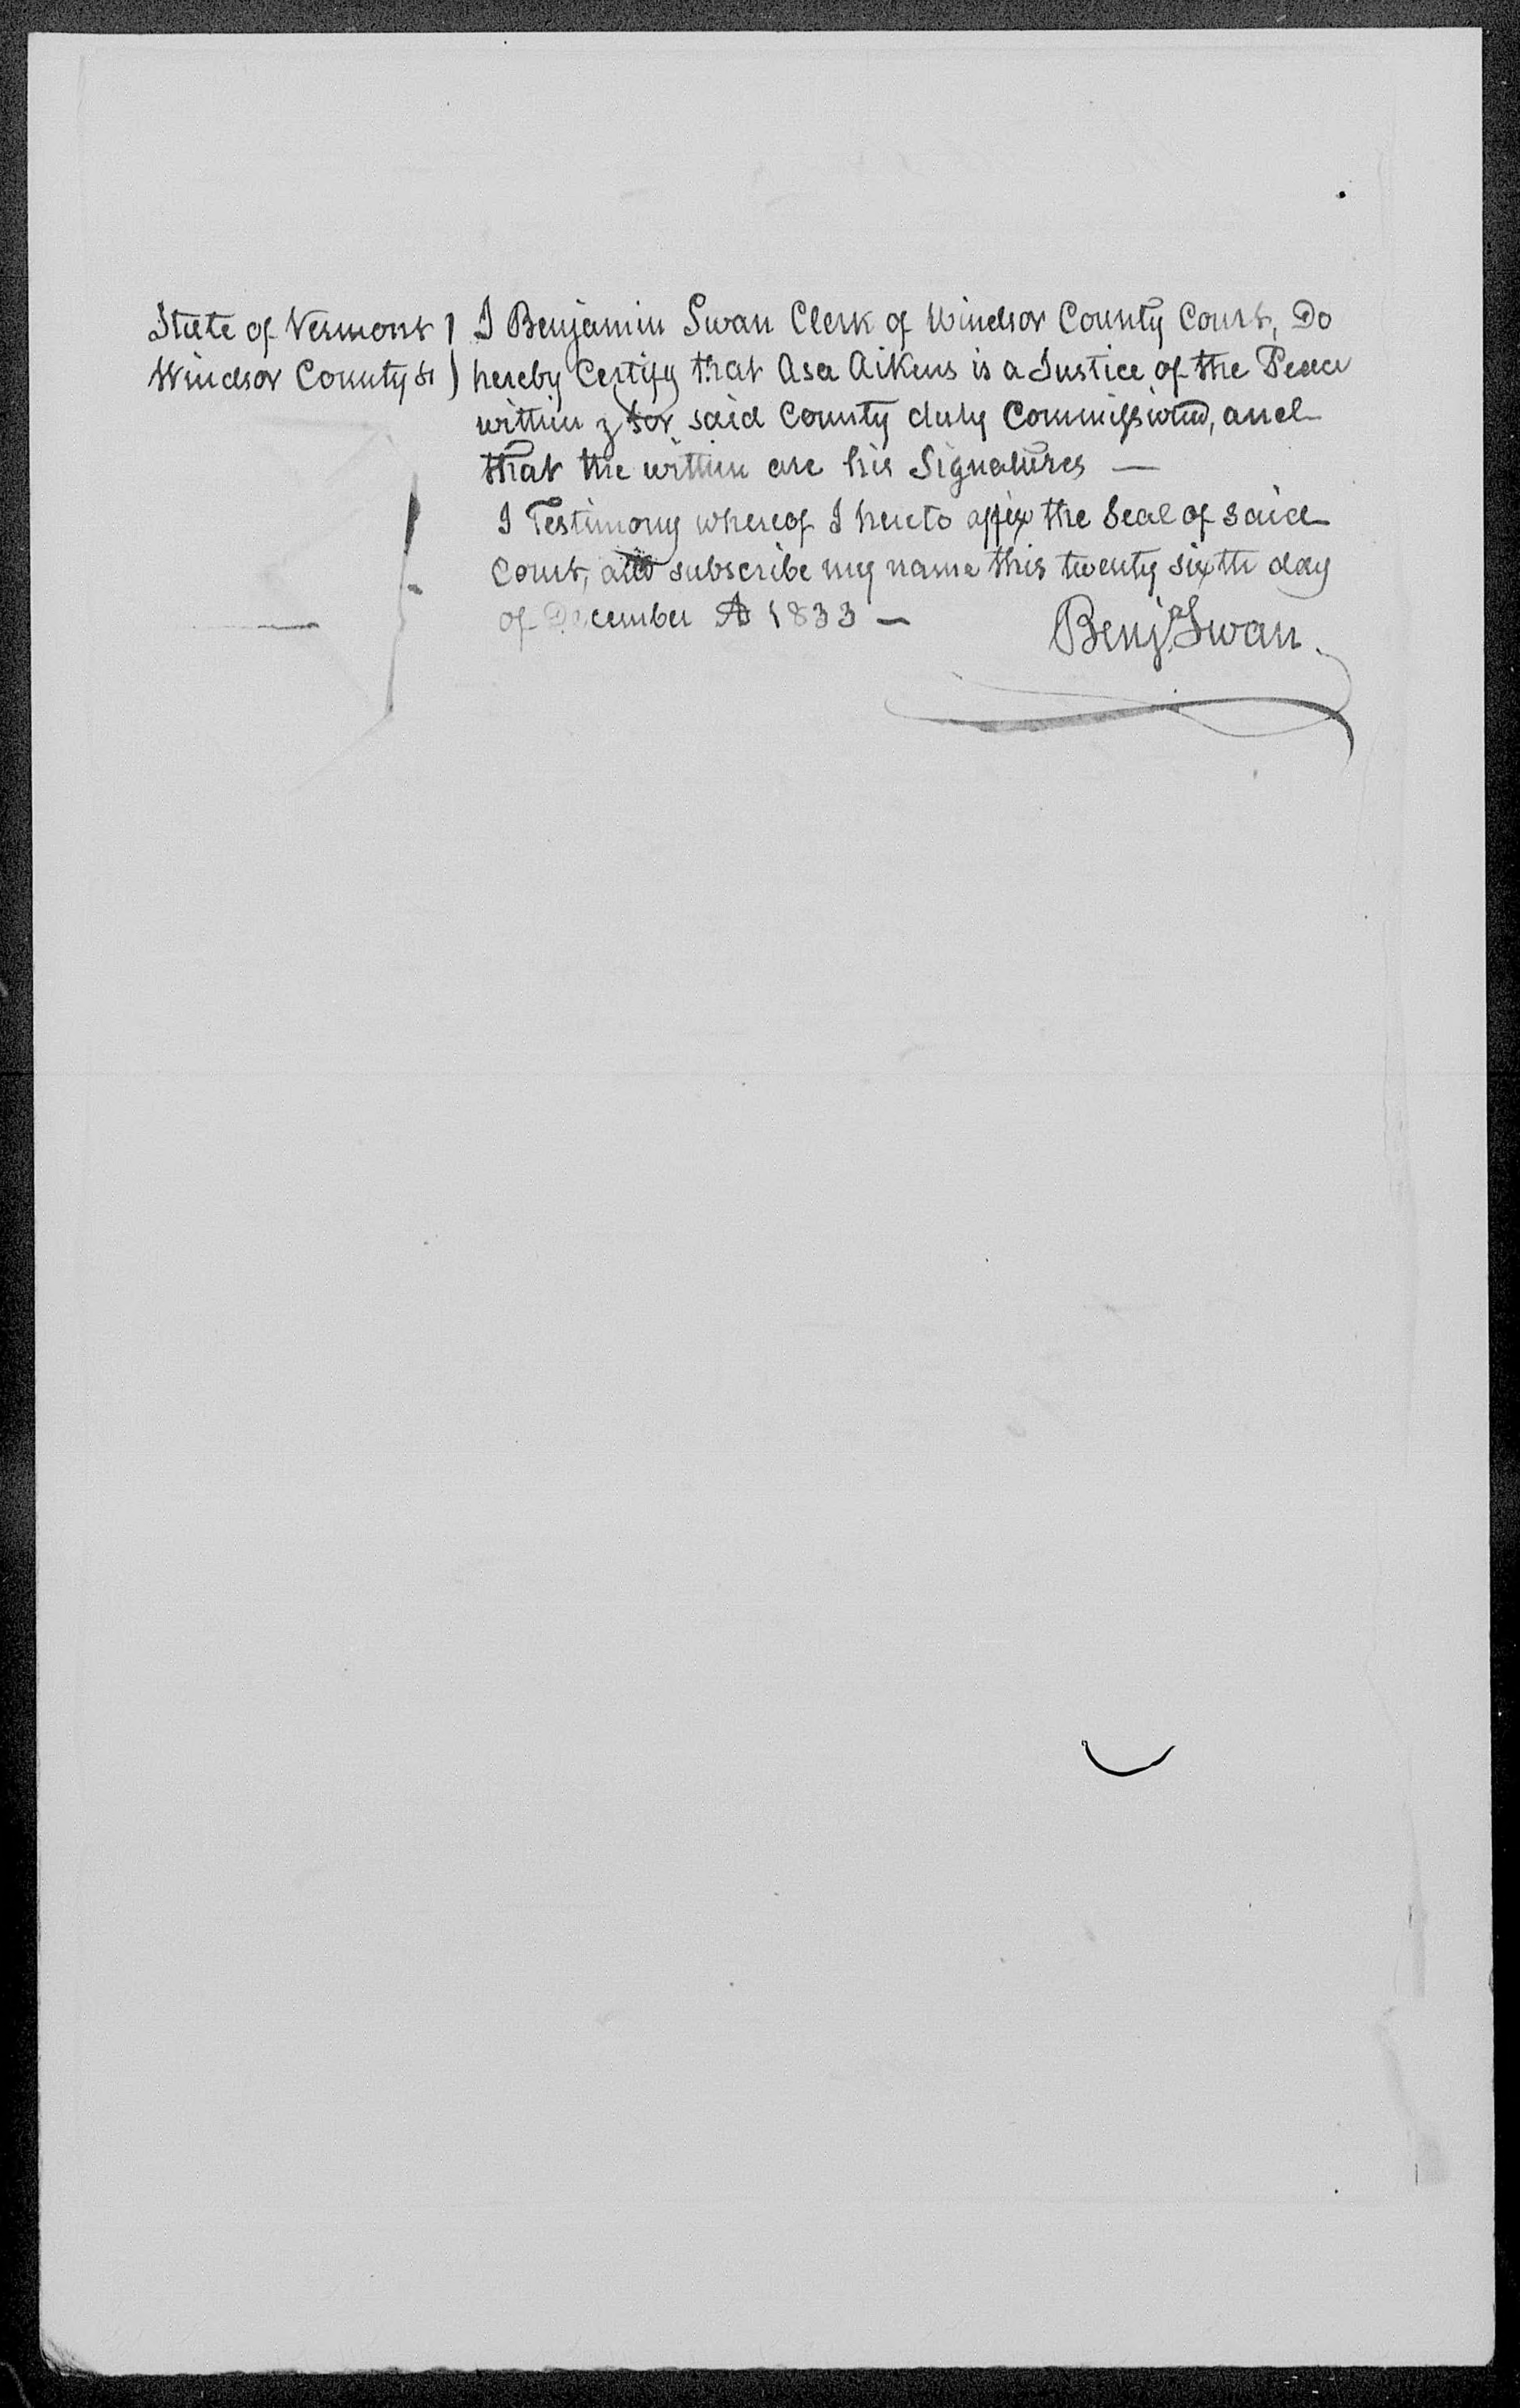State of Vermont
Windsor County ss} I Benjamin Swan Clerk of Windsor County Court, Do hereby certify that Asa Aikens is a Justice of the Peace within and for said County duly commissioned, and that the within are his signatures. 
I Testimony whereof I hereto affix the seal of said court, and subscribe my name this twenty sixth day of December AD 1833.
Benj Swan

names: Benj Swan, Benjamin Swan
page: 56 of 83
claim: widow's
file: W. 10,384, Oliver Barrett, Continental (Vt.) N.Y.